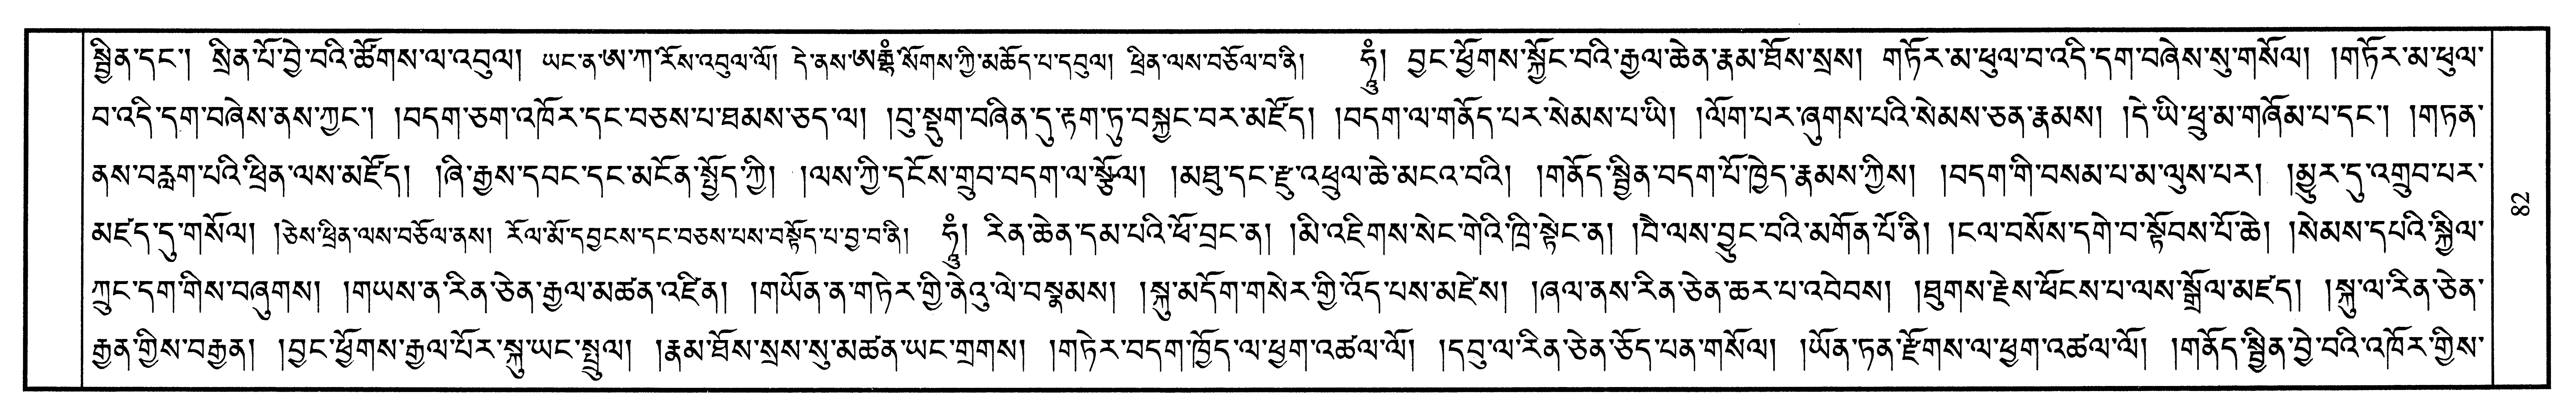སྦྱིན་དང་། སྲིན་པོ་བྱེ་བའི་ཚོགས་ལ་འབུལ། ཡང་ན་ཨ་ཀ་རོས་འབུལ་ལོ། དེ་ནས་ཨརྒྷཾ་སོགས་ཀྱི་མཆོད་པ་དབུལ། ཕྲིན་ལས་བཅོལ་བ་ནི། ཧཱུཾ། བྱང་ཕྱོགས་སྐྱོང་བའི་རྒྱལ་ཆེན་རྣམ་ཐོས་སྲས། གཏོར་མ་ཕུལ་བ་འདི་དག་བཞེས་སུ་གསོལ། །གཏོར་མ་ཕུལ་
བ་འདི་དག་བཞེས་ནས་ཀྱང་། །བདག་ཅག་འཁོར་དང་བཅས་པ་ཐམས་ཅད་ལ། །བུ་སྡུག་བཞིན་དུ་རྟག་ཏུ་བསྐྱང་བར་མཛོད། །བདག་ལ་གནོད་པར་སེམས་པ་ཡི། །ལོག་པར་ཞུགས་པའི་སེམས་ཅན་རྣམས། །དེ་ཡི་ཕྲུ་མ་གཞོམ་པ་དང་། །གཏན་
ནས་བརླག་པའི་ཕྲིན་ལས་མཛོད། །ཞི་རྒྱས་དབང་དང་མངོན་སྤྱོད་ཀྱི། །ལས་ཀྱི་དངོས་གྲུབ་བདག་ལ་སྩོལ། །མཐུ་དང་རྫུ་འཕྲུལ་ཆེ་མངའ་བའི། །གནོད་སྦྱིན་བདག་པོ་ཁྱེད་རྣམས་ཀྱིས། །བདག་གི་བསམ་པ་མ་ལུས་པར། །མྱུར་དུ་འགྲུབ་པར་
མཛད་དུ་གསོལ། །ཅེས་ཕྲིན་ལས་བཅོལ་ནས། རོལ་མོ་དབྱངས་དང་བཅས་པས་བསྟོད་པ་བྱ་བ་ནི། ཧཱུཾ། རིན་ཆེན་དམ་པའི་ཕོ་བྲང་ན། །མི་འཇིགས་སེང་གེའི་ཁྲི་སྟེང་ན། །བཻ་ལས་བྱུང་བའི་མགོན་པོ་ནི། །ངལ་བསོས་དགེ་བ་སྟོབས་པོ་ཆེ། །སེམས་དཔའི་སྐྱིལ་
ཀྲུང་དག་གིས་བཞུགས། །གཡས་ན་རིན་ཅེན་རྒྱལ་མཚན་འཛིན། །གཡོན་ན་གཏེར་གྱི་ནེའུ་ལེ་བསྣམས། །སྐུ་མདོག་གསེར་གྱི་འོད་པས་མཛེས། །ཞལ་ནས་རིན་ཅེན་ཆར་པ་འབེབས། །ཐུགས་རྗེས་ཕོངས་པ་ལས་སྒྲོལ་མཛད། །སྐུ་ལ་རིན་ཅེན་
རྒྱན་གྱིས་བརྒྱན། །བྱང་ཕྱོགས་རྒྱལ་པོར་སྐུ་ཡང་སྤྲུལ། །རྣམ་ཐོས་སྲས་སུ་མཚན་ཡང་གྲགས། །གཏེར་བདག་ཁྱོད་ལ་ཕྱག་འཚལ་ལོ། །དབུ་ལ་རིན་ཅེན་ཅོད་པན་གསོལ། །ཡོན་ཏན་རྫོགས་ལ་ཕྱག་འཚལ་ལོ། །གནོད་སྦྱིན་བྱེ་བའི་འཁོར་གྱིས་